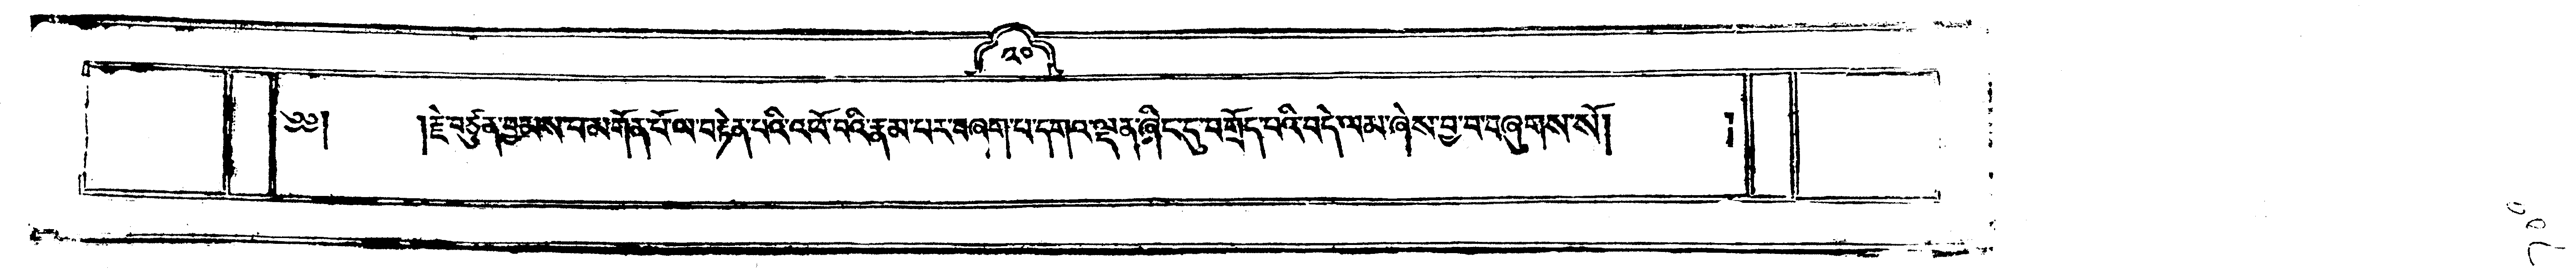༄༅། །རྗེ་བཙུན་བྱམས་པ་མགོ་བོ་ལ་བརྟེན་པའི་འཕོ་བའི་རྣམ་པར་བཞག་པ་དགའ་ལྡན་ཞིང་དུ་བགྲོད་བའི་བདེ་ལམ་ཞེས་བྱ་བ་བཞུགས་སོ། །